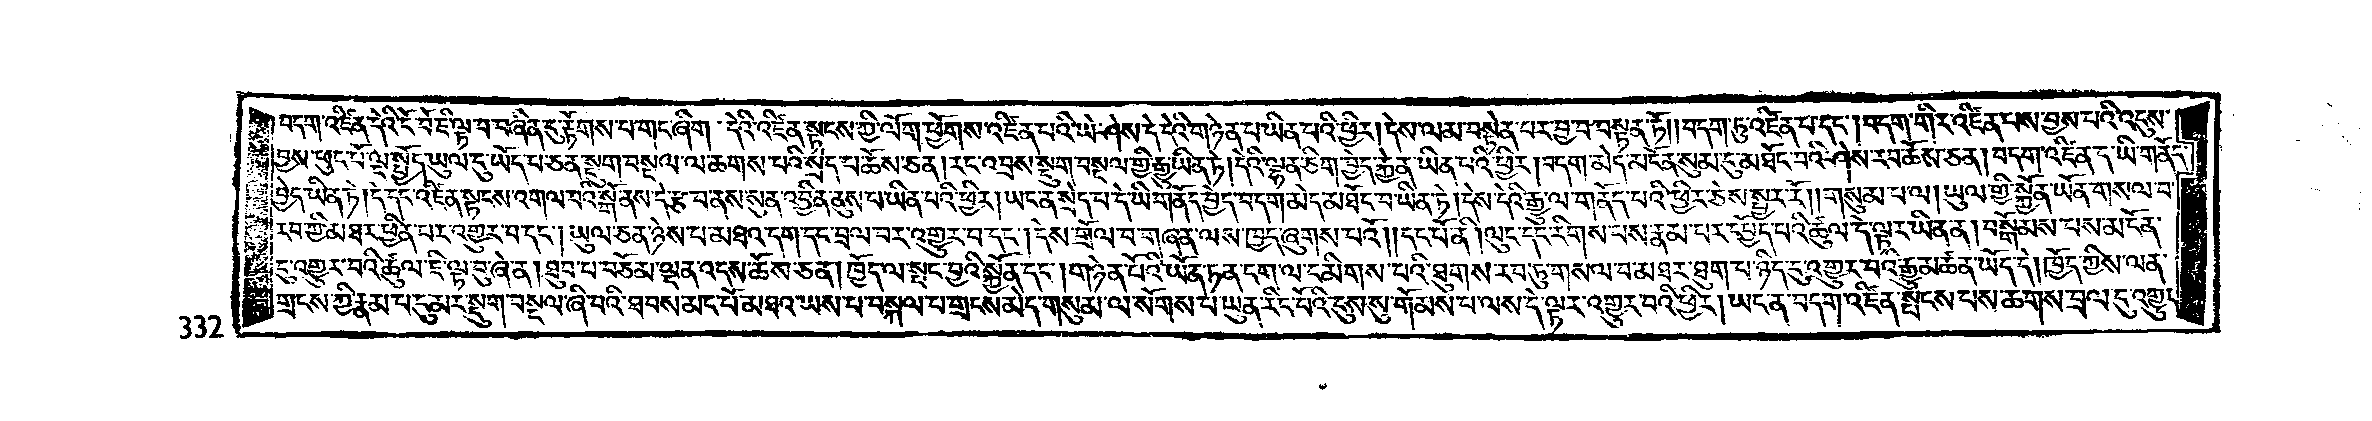བདག་འཛིན་དེའི་ངོ་བོ་ཇི་ལྟ་བ་བཞིན་དུ་རྟོགས་པ་གང་ཞིག་དེའི་འཛིན་སྟངས་ཀྱི་ལོག་ཕྱོགས་འཛིན་པའི་ཡེ་ཤེས་དེ་དེའི་གཉེན་པ་ཡིན་པའི་ཕྱིར། དེས་ལམ་བསྟེན་པར་བྱ་བ་བསྟན་ཏོ། །བདག་ཏུ་འཛིན་པ་དང་། བདག་གིར་འཛིན་པས་བྱས་པའི་འདུས་
བྱས་ཕུང་པོ་ལྔ་སྤྱོད་ཡུལ་དུ་ཡོད་པ་ཅན་སྡུག་བསྔལ་ལ་ཆགས་པའི་སྲེད་པ་ཆོས་ཅན། རང་འབྲས་སྡུག་བསྔལ་གྱི་རྒྱུ་ཡིན་ཏེ། དེའི་ལྷན་ཅིག་བྱེད་རྐྱེན་ཡིན་པའི་ཕྱིར། བདག་མེད་མངོན་སུམ་དུ་མཐོང་བའི་ཤེས་རབ་ཆོས་ཅན། བདག་འཛིན་དེ་ཡི་གནོད་
བྱེད་ཡིན་ཏེ། དེ་དང་འཛིན་སྟངས་འགལ་བའི་སྒོ་ནས་དེ་རྩ་བ་ནས་སུན་འབྱིན་ནུས་པ་ཡིན་པའི་ཕྱིར། ཡང་ན་སྲེད་པ་དེ་ཡི་གནོད་བྱེད་བདག་མེད་མཐོང་བ་ཡིན་ཏེ། དེས་དེའི་རྒྱུ་ལ་གནོད་པའི་ཕྱིར་ཅེས་སྦྱར་རོ། །གསུམ་པ་ལ། ཡུལ་གྱི་སྐྱོན་ཡོན་གསལ་བ་
རབ་ཀྱི་མཐར་ཕྱིན་པར་འགྱུར་བ་དང་། ཡུལ་ཅན་ཉེས་པ་མཐའ་དག་དང་བྲལ་བར་འགྱུར་བ་དང་། དེས་གྲོལ་བ་གཞན་ལས་ཁྱད་ཞུགས་པའོ། །དང་པོ་ནི། ལུང་དང་རིགས་པས་རྣམ་པར་དཔྱོད་པའི་ཚུལ་དེ་ལྟར་ཡིན་ན། བསྒོམས་པས་མངོན་
དུ་འགྱུར་བའི་ཚུལ་ཇི་ལྟ་བུ་ཞེ་ན། ཐུབ་པ་བཅོམ་ལྡན་འདས་ཆོས་ཅན། ཁྱོད་ལ་སྤང་བྱའི་སྐྱོན་དང་། གཉེན་པོའི་ཡོན་ཏན་དག་ལ་དམིགས་པའི་ཐུགས་རབ་ཏུ་གསལ་བ་མཐར་ཐུག་པ་ཉིད་དུ་འགྱུར་བའི་རྒྱུ་མཚན་ཡོད་དེ། ཁྱོད་ཀྱིས་ལན་
གྲངས་ཀྱི་རྣམ་པ་དུ་མར་སྡུག་བསྔལ་ཞི་བའི་ཐབས་མང་པོ་མཐའ་ཡས་པ་བསྐལ་པ་གྲངས་མེད་གསུམ་ལ་སོགས་པ་ཡུན་རིང་པོའི་དུས་སུ་གོམས་པ་ལས་དེ་ལྟར་འགྱུར་བའི་ཕྱིར། ཡང་ན་བདག་འཛིན་སྤངས་པས་ཆགས་བྲ་